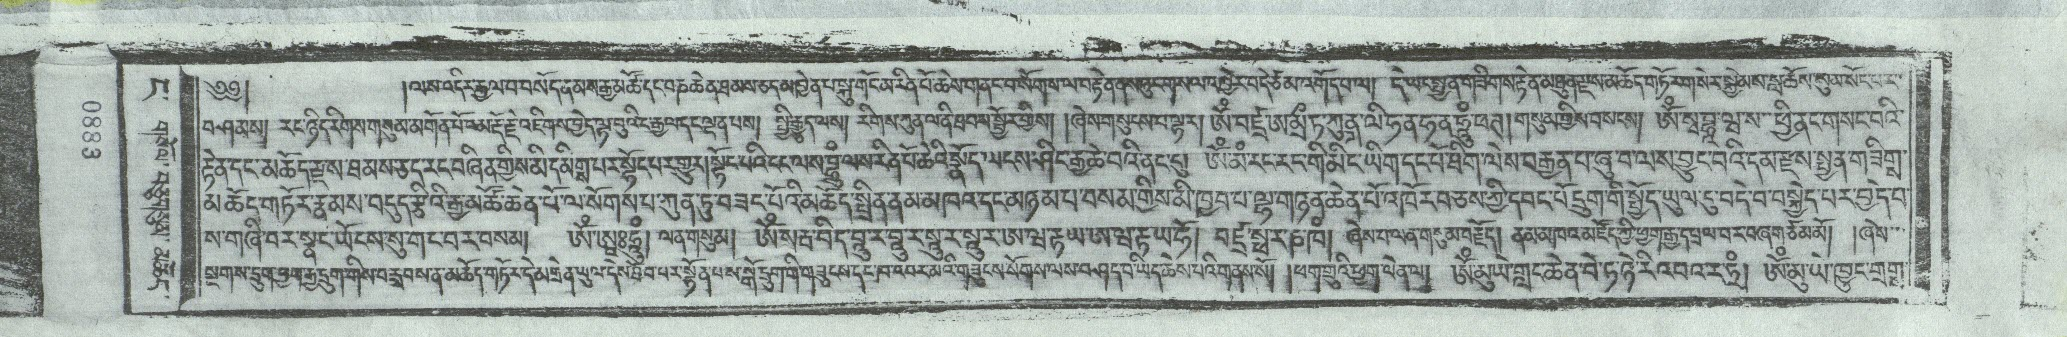༄༅། །ལས་འདིར་རྒྱལ་བསོད་ནམས་རྒྱ་མཚོ་དང་པཎ་ཆེན་ཐམས་ཅད་མཁྱེན་པ་སྐུ་གོང་མ་རིན་པོ་ཆེས་གནང་བ་སོགས་ལ་བརྟེན་ན་ཉུང་གསལ་འཁྱེར་བདེ་ཙམ་འགོད་པ་ལ། དེ་ཡང་སྤྱན་གཟིགས་རྟེན་མཐུན་རྫས་མཆོད་གཏོར་གསེར་སྐྱེམས་སླ་ཆོས་སུམ་སོང་པར་
བཤམས། རང་ཉིད་རིག་????་གསུམ་མགོན་པོ་?་རྡོ་རྗེ་?????། །སྤྱི་རྒྱུད་པས། ར?????????????གྱིས། །ཞེས་གསུངས་པ་ལྟར། ཨོཾ་བཛྲ་ཨ་མྲྀ་ཏ་ཀུན་ལི་ཧ་ན་ཧཱུཾ་ཕཊ། གསུམ་གྱིས་བསངས། །ཨོཾ་སྭ་ཝ་ས་ཕྱི་ནང་གསང་བའི་
རྟེན་དང་མཆོད་རྫས་ཐམས་ཅད་རང་བཞིན་གྱིས་མི་དམིགས་པར་སྟོང་པར་གྱུར། སྟོང་པའི་དང་ལས་བྷཱུཾ་ལས་རིན་པོ་ཆེའི་སྣོད་ཡངས་ཤིང་?་ཆེར་?་དུ། ཨོཾ་མཾ་རང་རང་གི་མིང་ཡིག་དང་པོ་ཐིག་ལེ་སངས?་རྒྱས་པ་ལྐུ?་བ་ལས་བྱུང་བའི་དམ་རྫས་སྤྱན་གཟིགས་
མཆོད་གཏོར་རྣམས་བདུད་རྩིའི་རྒྱ་མཚོ་ཆེན་པོ་ལ་སོགས་པ་ཀུན་ཏུ་བཟང་པོའི་མཆོད་སྤྲིན་ནམ་མཁའ་དང་མཉམ་པ་བསམ་གྱིས་མི་ཁྱབ་པ་ལྷ་གཉན་ཆེན་པོ་འཁོར་བཅས་ཀྱི་དབང་པོ་དྲུག་གི་སྤྱོད་ཡུལ་དུ་བདེ་བ་བསྐྱེད་པར་བྱེད་པ་
ས་གཞི་བར་སྣང་ཡོངས་སུ་གང་བར་བསམ། ཨོཾ་ཨཱཿ ཧཱུཾ། ལན་གསུམ། ཨོཾ་སརྦ་བིད་བཱུ་ར་བཱུ་ར་བཱུ་ར་སཱུ་ར་སཱུ་ར་ཨ་ཝ་རྟ་ཡ་ཨ་ཝ་རྟ་ཡ་ཧོ། བཛྲ་སྥ་ར་ཎ་ཁཾ། ཞེས་པ་ལན་གསུམ་བརྗོད། ནམ་མཁའ་མཛོད་ཀྱི་ཕྱག་རྒྱ་དཔྲལ་བར་བཞག་ཙམ་མོ། །ཞེས་
སྔགས་དྲུག་????་མཆོད་གཏོར་དེ་མགྲེན་ཡུལ་དེས་ཐོབ་སྟོན་པས་སྒོག་དྲུག་གི་གཟུངས་དང་ཁ་འབར་མའི་གཟུངས་སོགས་ལས་བཤད་བ་ཡིད་ཆེས་པའི་གནས་སོ། །ཕག་གྲུའི་ཕྱག་ལེན་ལ། ཨོཾ་མུ་ཡེ་གླང་ཆེན་བེ་ཏ་ཉེ་རི་འབའ་ར་ཏྲཾ། ཨོཾ་མུ་ཡེ་ཁྱུང་གྲགས་